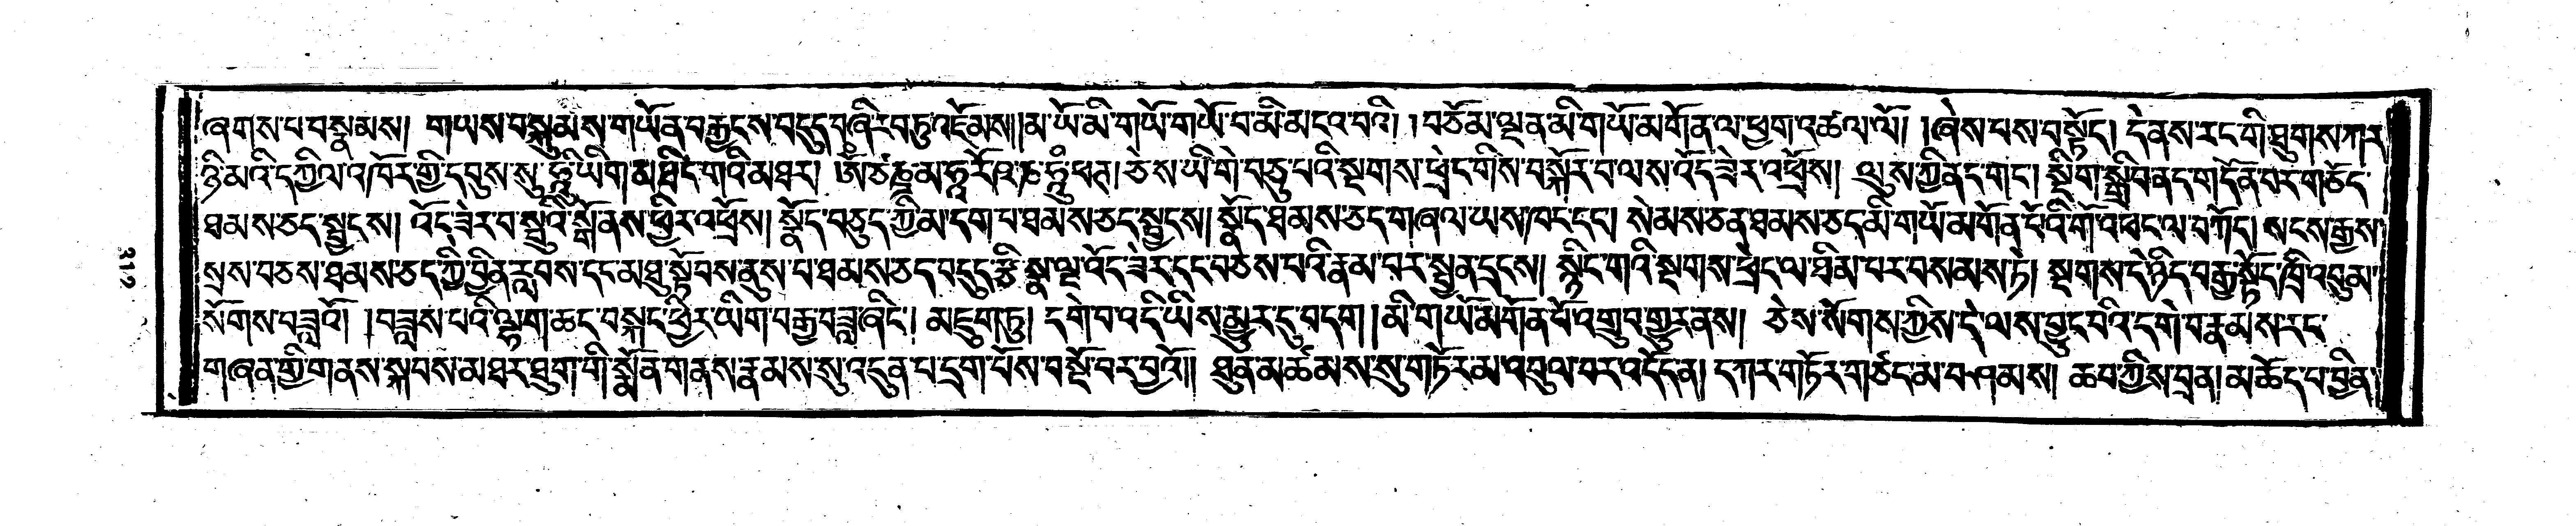ཞགས་པ་བསྣམས། གཡས་བསྐུམས་གཡོན་བརྐྱངས་བདུད་བཞི་རབ་ཏུ་འཇོམས། །མ་ཡོ་མི་གཡོ་གཡོ་བ་མི་མངའ་བའི། །བཅོམ་ལྡན་མི་གཡོ་མགོན་ལ་ཕྱག་འཚལ་ལོ། །ཞེས་པས་བསྟོད། དེ་ནས་རང་གི་ཐུགས་ཀར་
ཉི་མའི་དཀྱིལ་འཁོར་གྱི་དབུས་སུ་ཧཱུཾ་ཡིག་མཐིང་གའི་མཐར། ཨོཾ་ཙཎྜ་མཧཱ་རོ་ཥ་ཎ་ཧཱུཾ་ཕཊ། ཅེས་ཡི་གེ་བཅུ་པའི་སྔགས་ཕྲེང་གིས་བསྐོར་བ་ལས་འོད་ཟེར་འཕྲོས། ལུས་ཀྱི་ནང་གང་། སྡིག་སྒྲིབ་ནད་གདོན་བར་གཅོད་
ཐམས་ཅད་སྦྱངས། འོད་ཟེར་བ་སྤུའི་སྒོ་ནས་ཕྱིར་འཕྲོས། སྣོད་བཅུད་ཀྱི་མ་དག་པ་ཐམས་ཅད་སྦྱངས། སྣོད་ཐམས་ཅད་གཞལ་ཡས་ཁང་དང་། སེམས་ཅན་ཐམས་ཅད་མི་གཡོ་མགོན་པོའི་གོ་འཕང་ལ་བཀོད། སངས་རྒྱས་
སྲས་བཅས་ཐམས་ཅད་ཀྱི་བྱིན་རླབས་དང་མཐུ་སྟོབས་ནུས་པ་ཐམས་ཅད་བདུད་རྩི་སྣ་ལྔ་འོད་ཟེར་དང་བཅས་པའི་རྣམ་པར་སྤྱན་དྲངས། སྙིང་གའི་སྔགས་ཕྲེང་ལ་ཐིམ་པར་བསམས་ཏེ། སྔགས་དེ་ཉིད་བརྒྱ་སྟོང་ཁྲི་འབུམ་
སོགས་བཟླའོ། །བཟླས་པའི་ལྷག་ཆད་བསྐང་ཕྱིར་ཡིག་བརྒྱ་བཟླ་ཞིང་། མཇུག་ཏུ། དགེ་བ་འདི་ཡིས་མྱུར་དུ་བདག །མི་གཡོ་མགོན་པོ་འགྲུབ་གྱུར་ནས། ཅེས་སོགས་ཀྱིས་དེ་ལས་བྱུང་བའི་དགེ་བ་རྣམས་རང་
གཞན་གྱི་གནས་སྐབས་མཐར་ཐུག་གི་སྨོན་གནས་རྣམས་སུ་འདུན་པ་དྲག་པོས་བསྔོ་བར་བྱའོ། །ཐུན་མཚམས་སུ་གཏོར་མ་འབུལ་བར་འདོད་ན། དཀར་གཏོར་གཙང་མ་བཤམས། ཆབ་ཀྱིས་བྲན། མཆོད་པ་བྱིན་